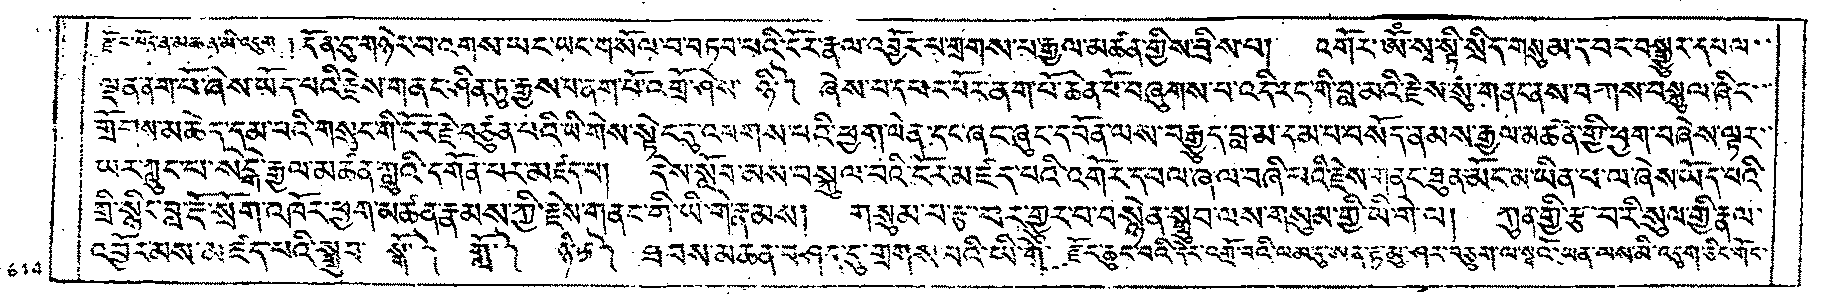རྫོང་པོད་ན་མཆན་མི་འདུག་།དོན་དུ་གཉེར་བ་འགས་ཡང་ཡང་གསོལ་བ་བཏབ་པའི་ངོར་རྣལ་འབྱོར་པ་གྲགས་པ་རྒྱལ་མཚན་གྱིས་བྲིས་པ། འགོར་ཨོཾ་སྭ་སྟི་སྲིད་གསུམ་དབང་བསྒྱུར་དཔལ་
ལྡན་ནག་པོ་ཞེས་ཡོད་པའི་རྗེས་གནང་ཤིན་ཏུ་རྒྱས་པ་ནག་པོ་འགྲོ་ཤེས་ཉ྄ི་ཞེས་པ་དབང་པོར་ནག་པོ་ཆེན་པོ་བཞུགས་པ་འདི་རང་གི་བླ་མའི་རྗེས་སུ་གནང་ནས་བཀས་བསྐུལ་ཞིང་
གྲོགས་མཆེད་དམ་པའི་གསུང་གི་ངོར་རྗེ་བཙུན་པའི་ཡི་གེས་སྟེང་དུ་འཕགས་པའི་ཕྱག་ལེན་དང་ཞང་ཞུང་དབོན་ལས་བརྒྱུད་བླ་མ་དམ་པ་བསོད་ནམས་རྒྱལ་མཚན་གྱི་ཕྱག་བཞེས་ལྟར་
ཡར་ཀླུང་པ་སེངྒེ་རྒྱལ་མཚན་ཀླུའི་དགོན་པར་མཛད་པ། དེས་སློབ་མས་བསྐུལ་བའི་ངོར་མཛད་པའི་འགོར་དཔལ་ཞལ་བཞི་པའི་རྗེས་གནང་ཐུན་མོང་མ་ཡིན་པ་ལ་ཞེས་ཡོད་པའི་
གྲི་སྙིང་བླ་རྡོ་སྲོག་འཁོར་ཕྱག་མཚན་རྣམས་ཀྱི་རྗེས་གནང་གི་ཡི་གེ་རྣམས། གསུམ་པ་རྩ་བར་གྱུར་པ་བསྙེན་སྒྲུབ་ལས་གསུམ་གྱི་ཡི་གེ་ལ། ཀུན་གྱི་རྩ་བ་རི་སུལ་གྱི་རྣལ་
འབྱོར་མས་མཛད་པའི་སྒྲུབ་སྒ྄ོ་གླ྄ོ་ཉི~྾?་ཐབས་མཆན་བཤད་དུ་གྲགས་པའི་ཡི་གེ་རྫོང་ཆུང་བའི་དེར་འགྲོ་བའི་ལམ་དུ་ཨན་རྟ་མུ་ཤར་བཅུག་ལ་སྦའོ་ཡན་ལས་མི་འདུག་ཅིང་གོང་